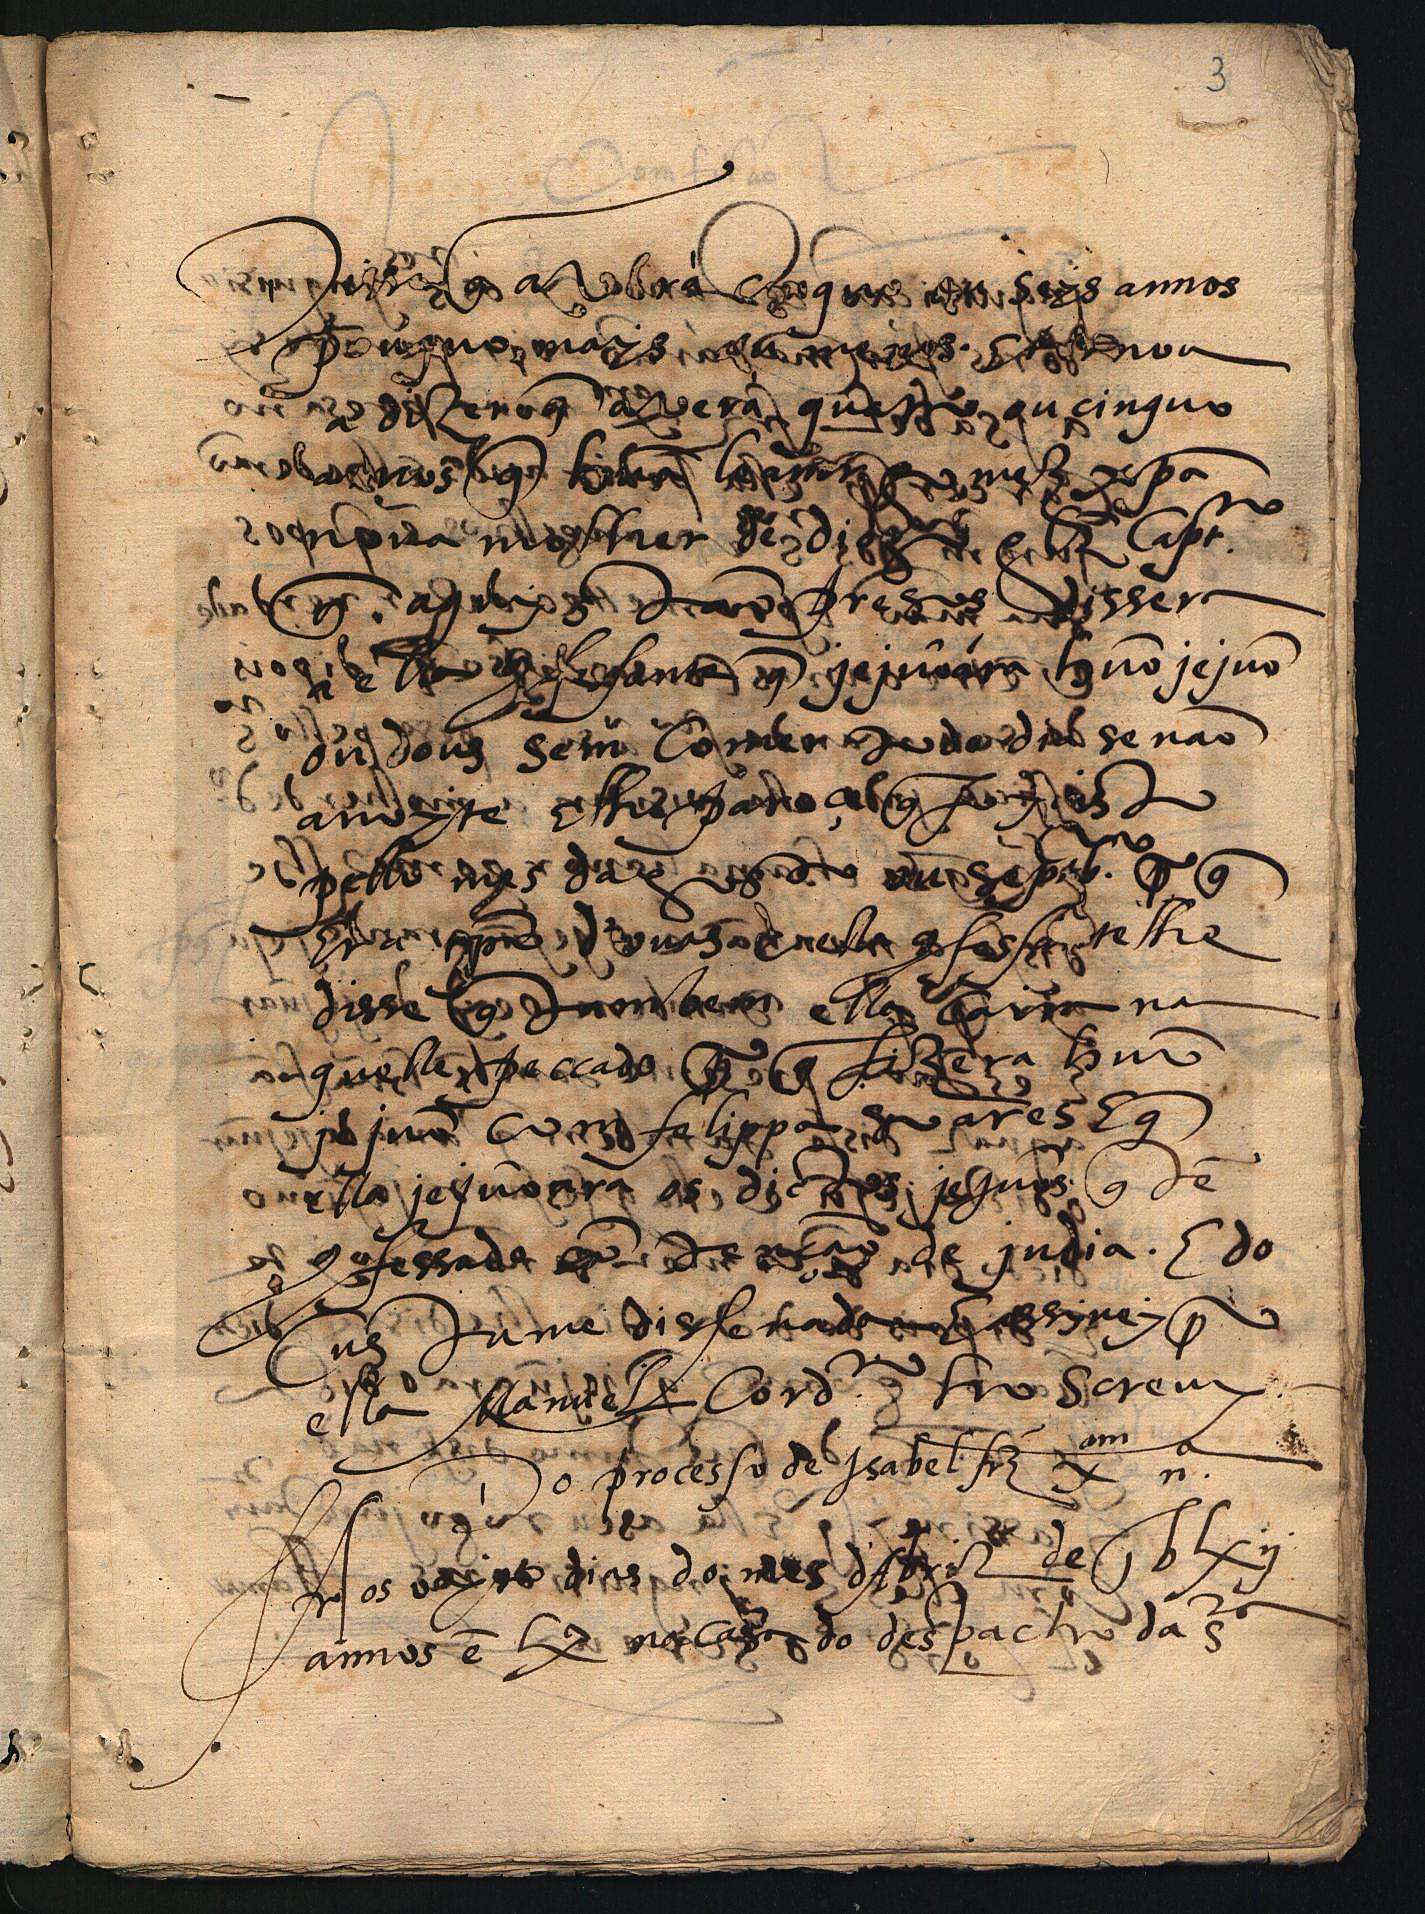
Disse q̄ averá cinquo ou seys annos
pouquo mays ou menos. E tornou
a dizer o q̄ avera quatro ou cinquo
annos q̄ huā leanor gomez xpā
noua molher de diogo glz̄ capt.ro
q̄ aquy staõ presos dissera
a elle ꝯfesante q̄ jejuōara huō jejuō
ou dous sem Comer todo dia senão
a noyte E lhe parece q̄ foy isto
pello mes dagosto ou septb.ro p̄o q̄
Era tpō do uaso e ella ꝯfessante lhe
disse q̄ tambem elle caira na
quelle peccado p̄o q̄ fazera huō
jejuō com felippa soares E q̄
ella jejūoara os dictos jeJuōs q̄ tē
ꝯfessado cō tenção de judia. E do
Custume disse nada e asyney p̄o
ella ManoeL Cord.ro ho screuy.
Do processo de jsabel frz̄ xam na
Aos oyto dias do mes dAbriL de j̄bLXij
annos ē Lxa na casa do despacho da sta
